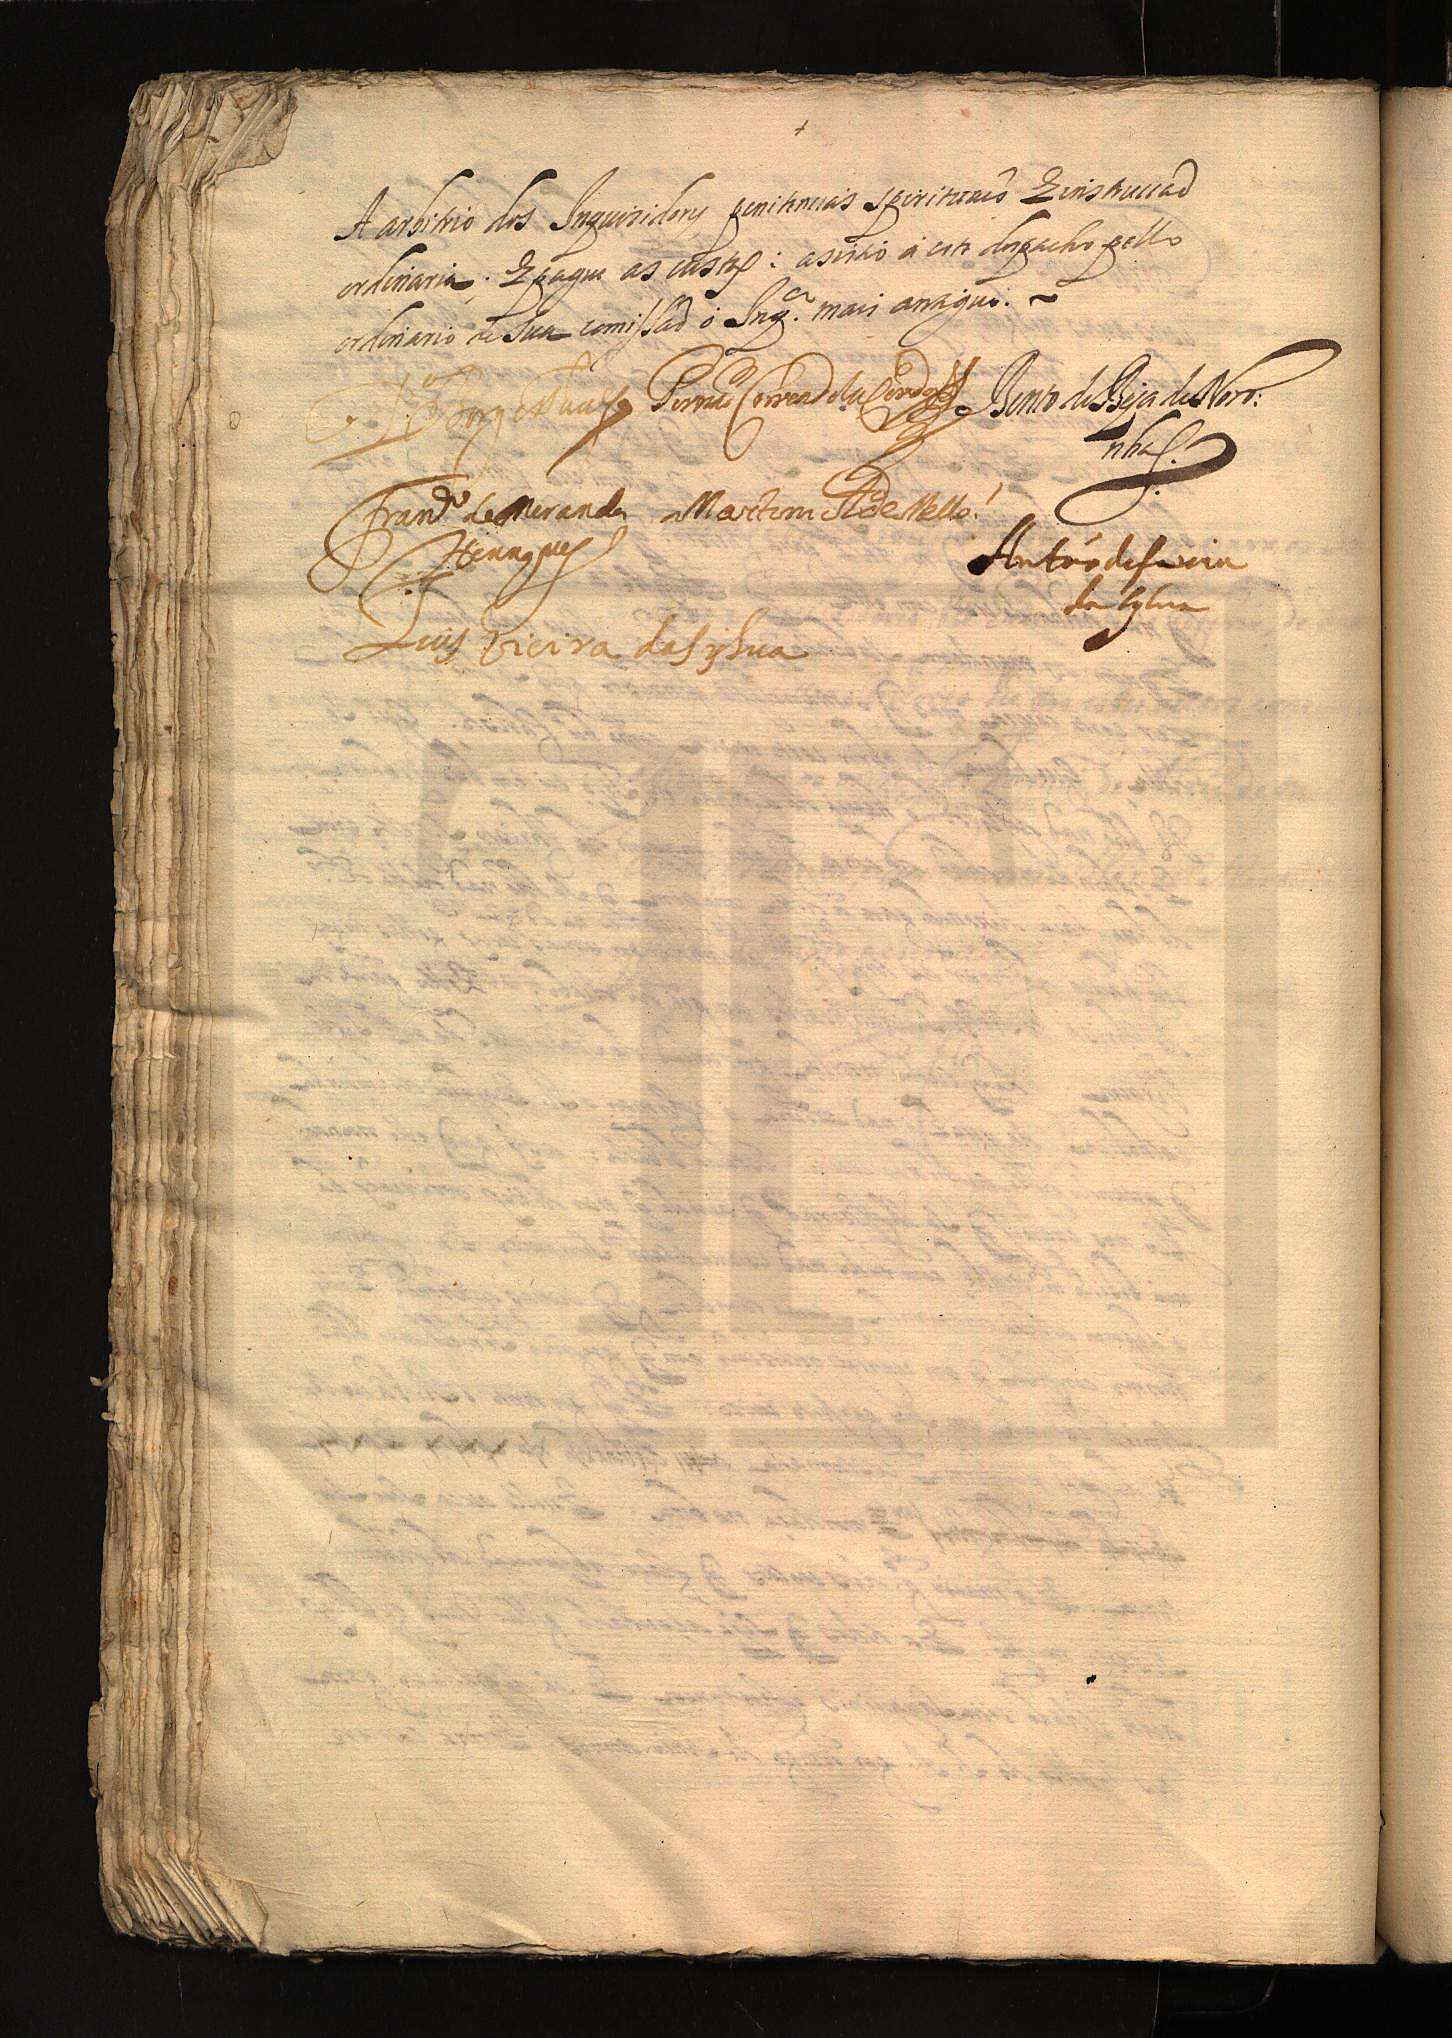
A arbitrio dos Inquisidores, penitencias spirituaēs, E instrucçaõ
ordinaria; E pague as custas: asistio a este despacho pello
ordinario de sua comissaõ o Inq.or mais antiguo. -
